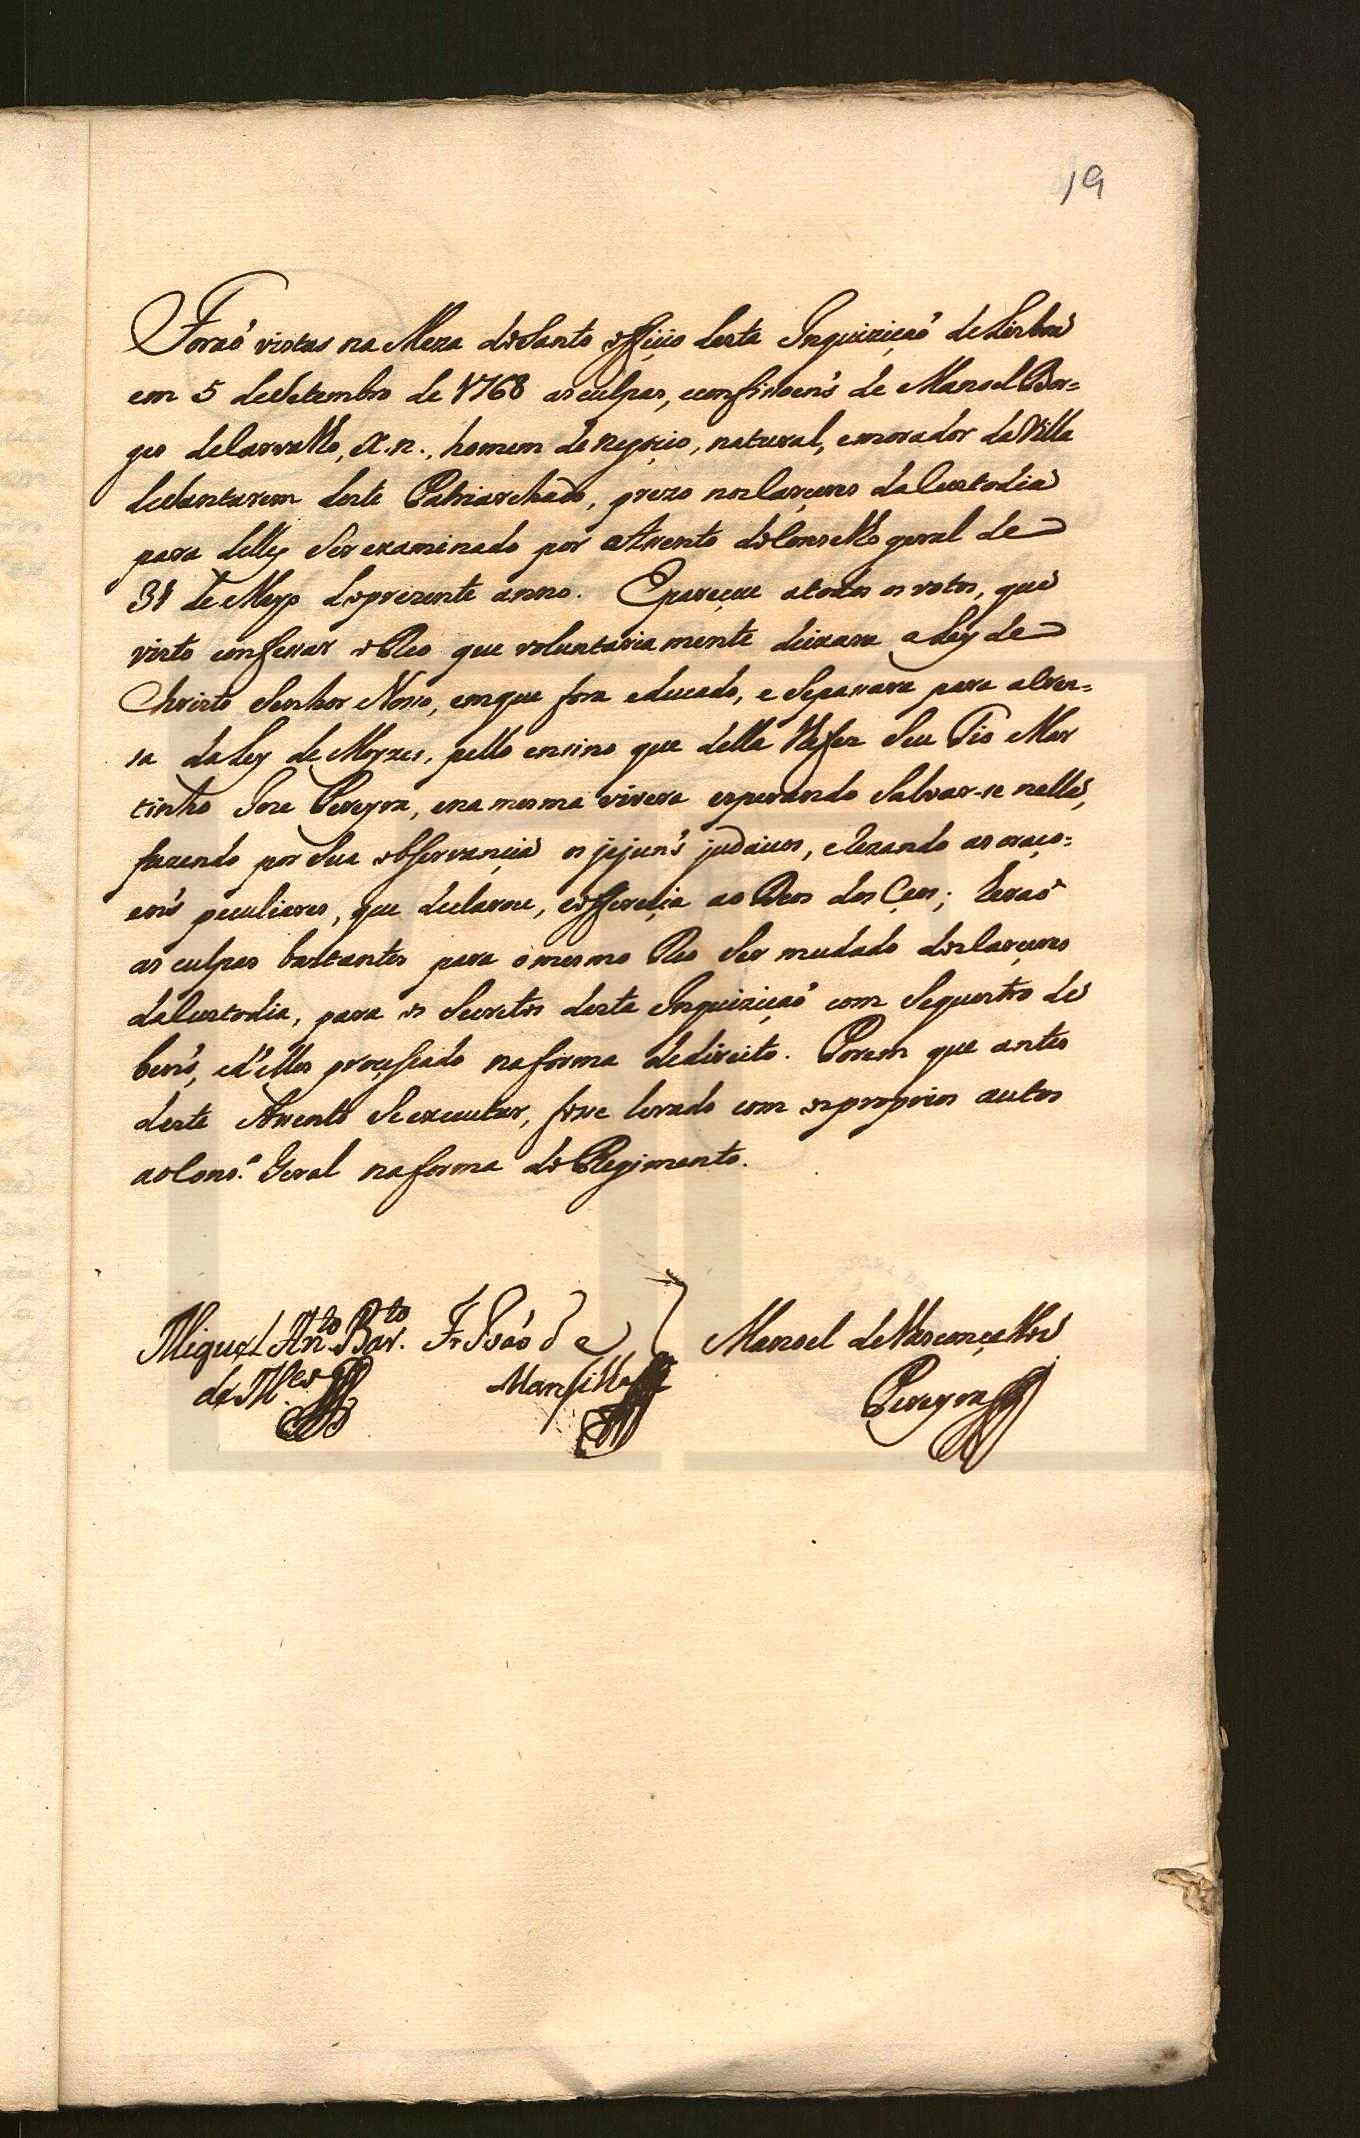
Foraõ vistas na Meza do Santo officio desta Inquisiçaõ de Lisboa
em 5 de Setembro de 1768 as culpas, e confissoens de Manoel Bor
ges de Carvalho, x. n. homem de negocio, natural, e morador da Villa
de santarem deste Patriarchado, prezo nos Carceres da Custodia
para delles Ser examinado por Assento do Conselho geral de
31 de Mayo do prezente anno. E pareceu a todos os votos, que
visto confessar o Reo que voluntariamente deixara a Ley de
Christo Senhor Nosso, em que fora educado, e se passara para a Cren
sa da Ley de Moyzes, pello ensino que della lhe fez Seu Tio Mar
tinho Ioze Pereyra, e na mesma vivera esperando Salvar-se nella,
fazendo por Sua observancia os jejuns judaicos, e Rezando as oraço
ens peculiares, que declarou, e offerecia ao Deos dos Ceos; heraõ
as culpas bastantes para o mesmo Reo Ser mudado dos Carceres
da Custodia, para os Secretos desta Inquiziçaõ com Sequestro de
bens, e d'elles processado na forma de direito. Porem que antes
deste Assento Se executar fosse levado com os proprios autos
ao Cons.o Geral na forma do Regimento.
Miguel An.to Bar.to
de M.co
Fr Ioaõ de
Mansilha
Manoel de Vasconcellos
Pereyra
